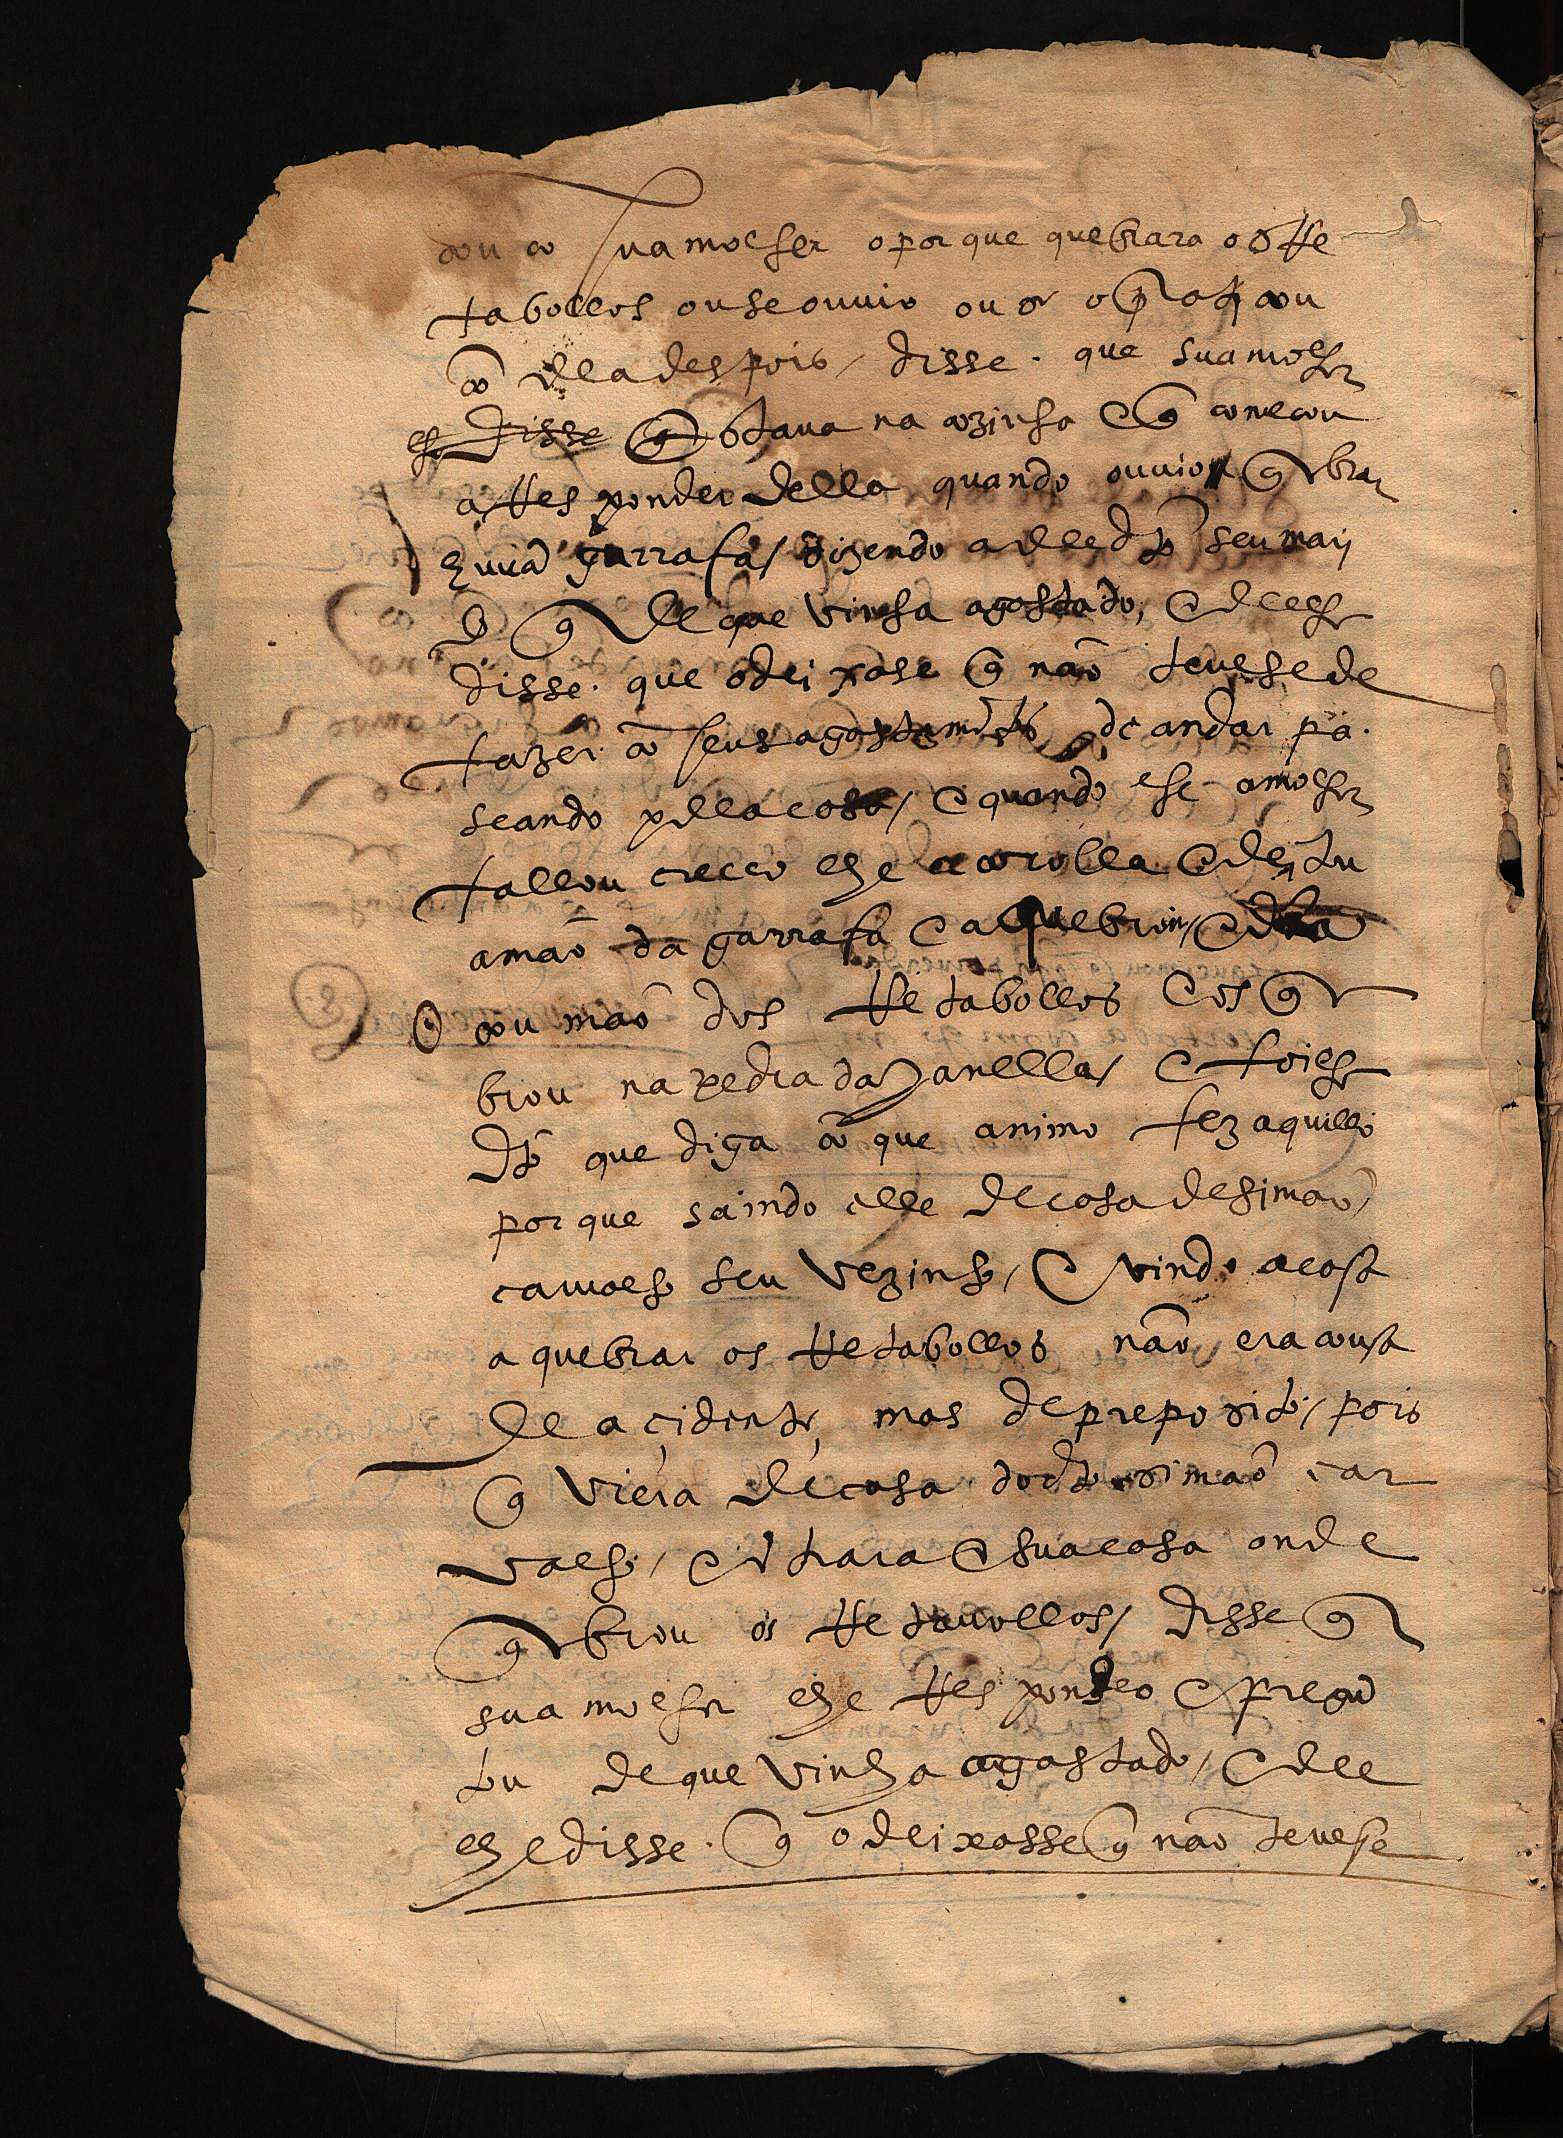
cou cō sua molher o porque quebrara os Re
tabollos ou se ouuio ou se o pratjcou
cō ella despois / disse. que sua molher
lhe disse q̅ Estaua na cozinha e q̄ comecou
a Responder della quando ouuio _ q̄ebrar
huuā g_rrafa / dizendo a elle dtō seu marj
do q̅ ele que vinha agastado, e elle lhe
disse. que o deixase q̄ naõ teuese de
fazer cō seus agastamētos de andar pa
seando pella casa / e quando lhe a molher
fallou creceo lhe a corolla e deitou
a maõ da garrafa e a quebrou / e _
cou maõ dos Retabollos e os q̄e
brou na pedra da Janella / e foi lhe
dtō que diga cō que animo fez aquillo
porque saindo elle de casa de simaõ
carualho seu vezinho / e vindo a casa
a quebrar os Retabollos não era cousa
de açidente, mas de preposito / pois
q̄ viera de casa do dto simaõ car
valho / e e̅trara ē sua casa onde
q̅ebrou os Retauollos / disse q̄
sua molher lhe Respondeo e pregū
tou de que vinha agastado / e ele
lhe disse q̄ o deixasse q̄ não teuesse
